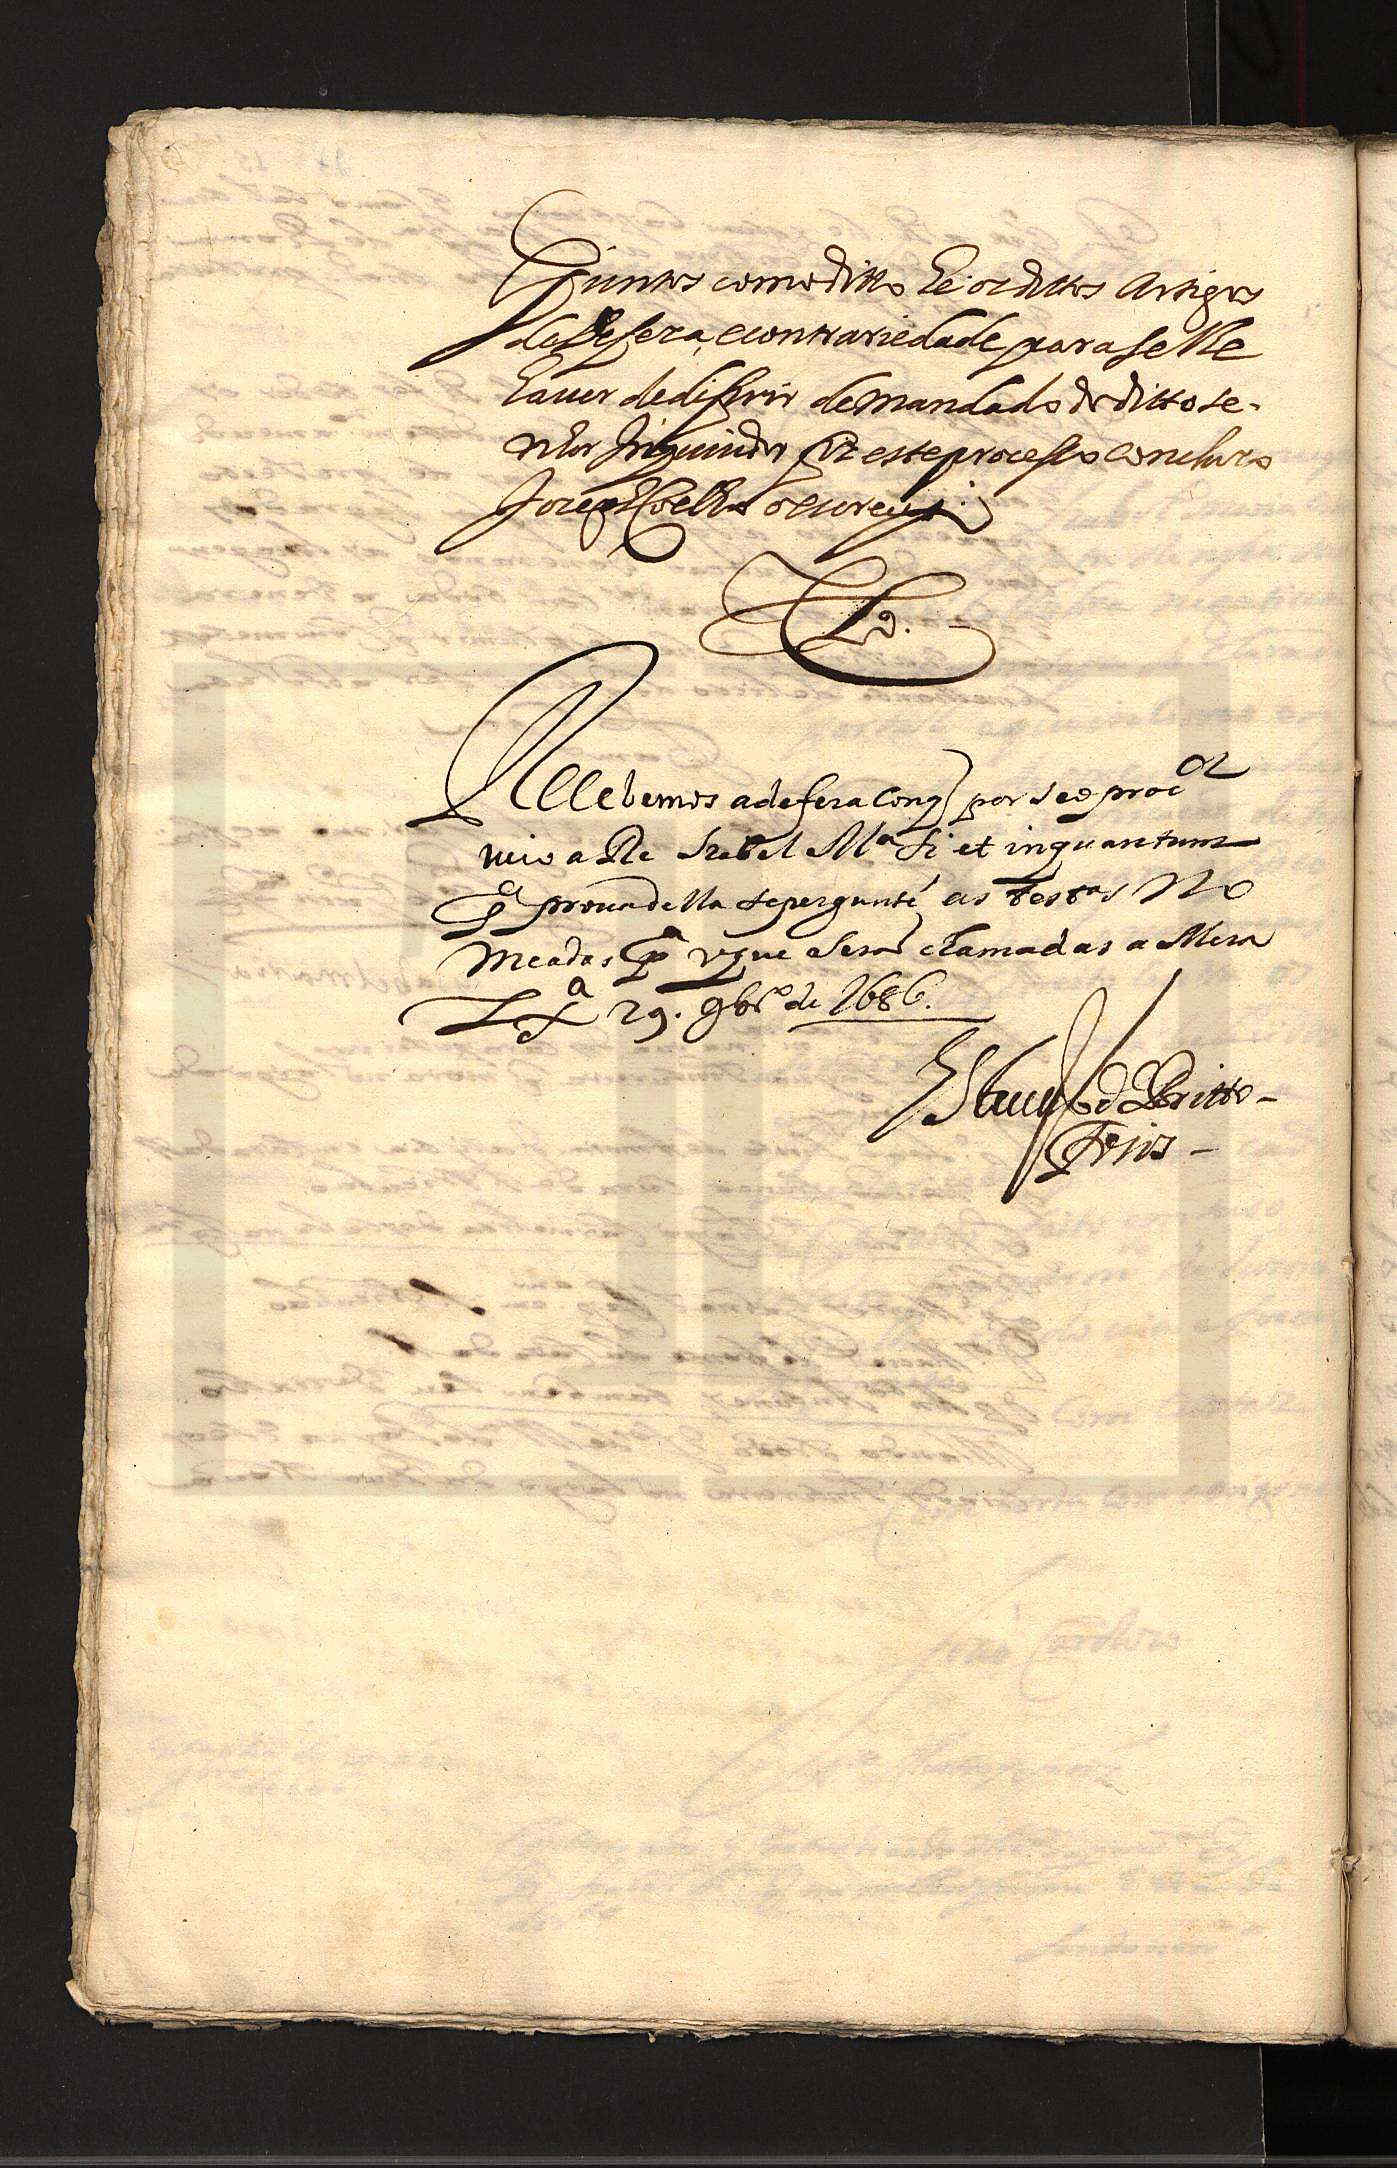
E juntos com o ditto he os dittos artigos
de Defeza, e contrariedade para selhe
hauer de diferir de mandado do ditto se
nhor Jnquisidor fiz este processo concluzo
Jozeph Coelho o escreuj.
CLo.
RECebemos a defeza con q̄ por seo procor
ueio a Re Izabel Ma si et in quantum
pa proua della se perguntē as testas NO
meadas pa o que seraõ chamadas a Meza
LXa 29. 9bro de 1686.
